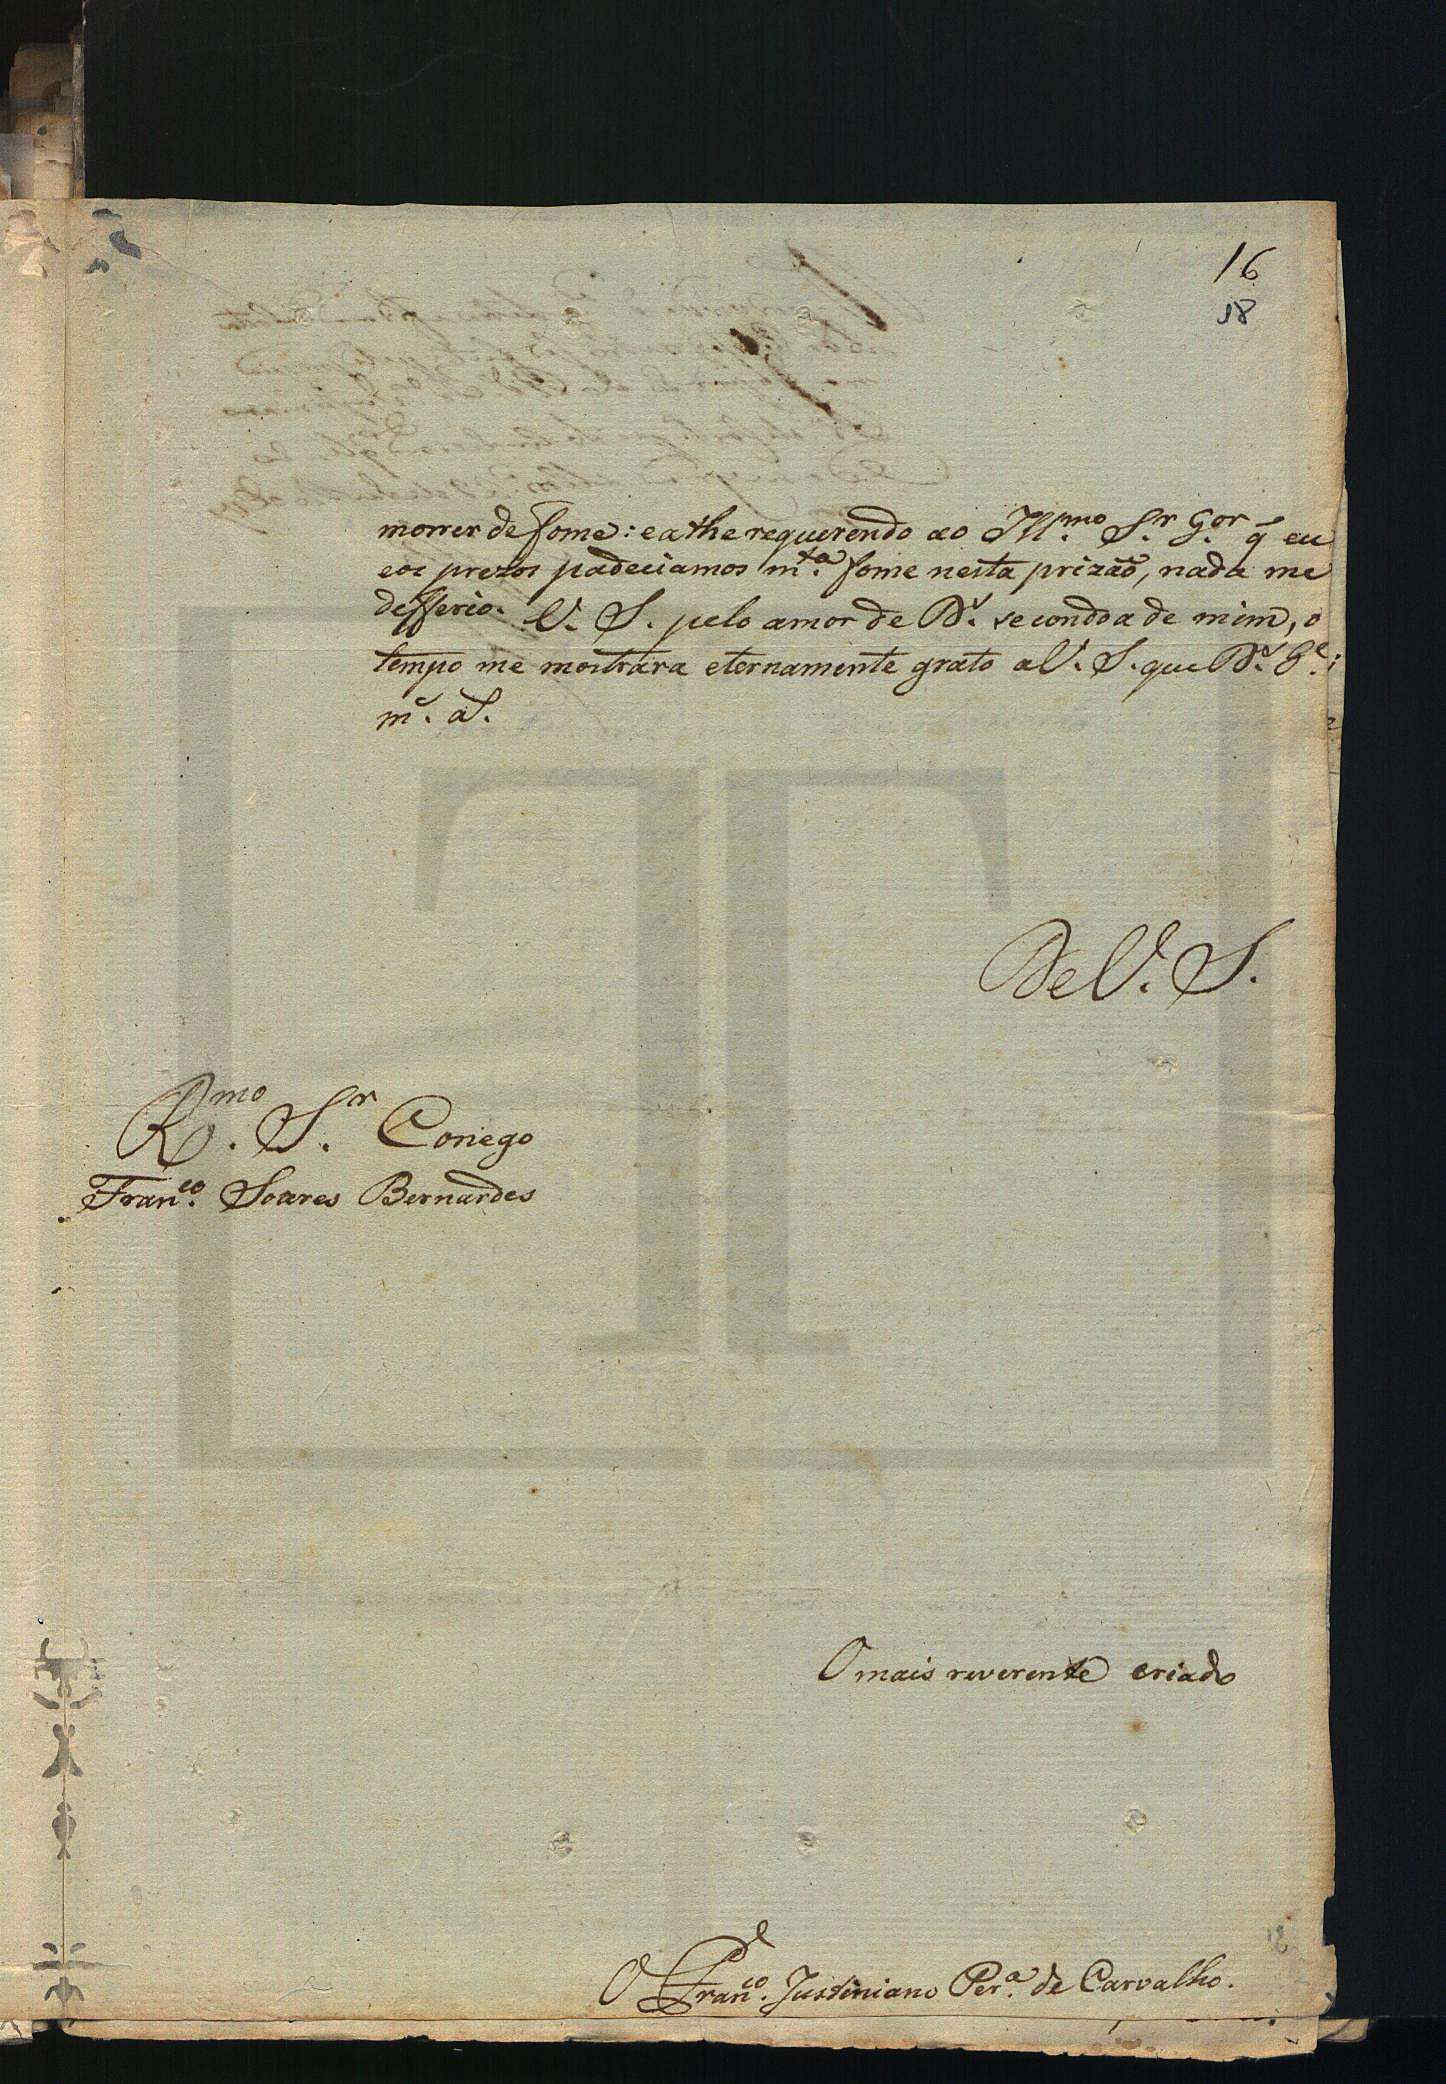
16
18
morrer de fome: e athe requerendo ao Illmo. S.r G.or q̄ eu
e oz prezos padeciamos mta. fome nesta prizaõ, nada me
defferio. V.S. pelo amor de D.s se condoa de mim, o
tempo me mostrara eternamente grato a V.S. que D.s G.e
m.s ā.s
De V. S.
R.mo S.r Conego
Fran.co Soares Bernardes
O mais reverente criado
O Franco. Justiniano Per.a de Carvalho.
